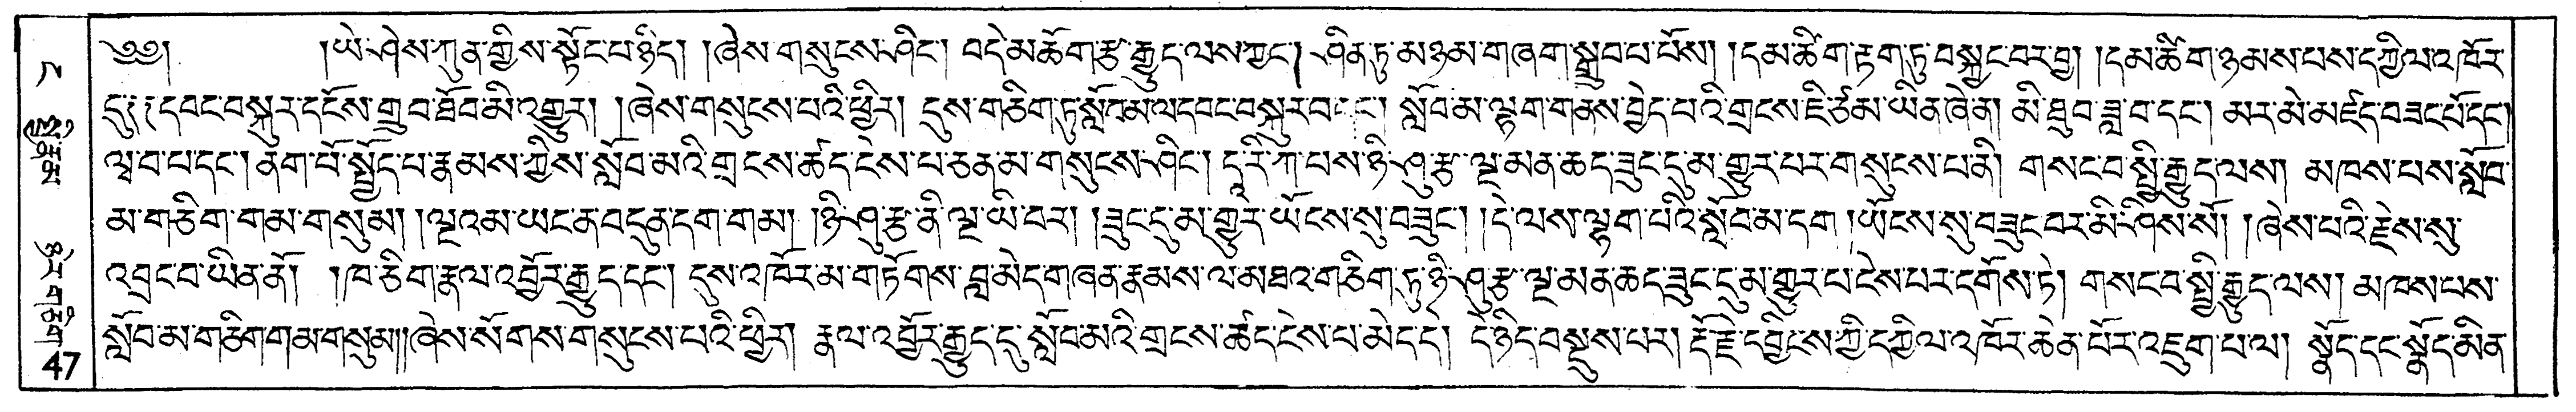༄༅། །ཡེ་ཤེས་ཀུན་གྱིས་སྟོང་པ་ཉིད། །ཞེས་གསུངས་ཤིང་། བདེ་མཆོག་རྩ་རྒྱུད་ལས་ཀྱང་། ཤིན་ཏུ་མཉམ་གཞག་སྒྲུབ་པ་པོས། །དམ་ཚིག་རྟག་ཏུ་བསྐྱང་བར་བྱ། །དམ་ཚིག་ཉམས་པས་དཀྱིལ་འཁོར་
དུ། །དབང་བསྐུར་དངོས་གྲུབ་ཐོབ་མི་འགྱུར། །ཞེས་གསུངས་པའི་ཕྱིར། དུས་གཅིག་ཏུ་སློབ་མ་ལ་དབང་བསྐུར་བ་དང་། སློབ་མ་ལྟག་གནས་བྱེད་པའི་གྲངས་ཇི་ཙམ་ཡིན་ཞེ་ན། མི་ཐུབ་ཟླ་བ་དང་། མར་མེ་མཛད་བཟང་པོ་དང་།
ལྭ་བ་པ་དང་། ནག་པོ་སྤྱོད་པ་རྣམས་ཀྱིས་སློབ་མའི་གྲངས་ཚད་ངེས་པ་ཅན་མ་གསུངས་ཤིང་། དཱ་རི་ཀ་པས་ཉི་ཤུ་རྩ་ལྔ་མན་ཆད་ཟུང་དུ་མ་གྱུར་པར་གསུངས་པ་ནི། གསང་བ་སྤྱི་རྒྱུད་ལས། མཁས་པས་སློབ་
མ་གཅིག་གམ་གསུམ། །ལྔའམ་ཡང་ན་བདུན་དག་གམ། །ཉི་ཤུ་རྩ་ནི་ལྔ་ཡི་བར། །ཟུང་དུ་མ་གྱུར་ཡོངས་སུ་བཟུང་། །དེ་ལས་ལྷག་པའི་སློབ་མ་དག །ཡོངས་སུ་བཟུང་བར་མི་ཤིས་སོ། །ཞེས་པའི་རྗེས་སུ་
འབྲང་བ་ཡིན་ནོ། །ཁ་ཅིག་རྣལ་འབྱོར་རྒྱུད་དང་། དུས་འཁོར་མ་གཏོགས་བླ་མེད་གཞན་རྣམས་ལ་མཐའ་གཅིག་ཏུ་ཉི་ཤུ་རྩ་ལྔ་མན་ཆད་ཟུང་དུ་མ་གྱུར་པ་ངེས་པར་དགོས་ཏེ། གསང་བ་སྤྱི་རྒྱུད་ལས། མཁས་པས་
སློབ་མ་གཅིག་གམ་གསུམ། །ཞེས་སོགས་གསུངས་པའི་ཕྱིར། རྣལ་འབྱོར་རྒྱུད་དུ་སློབ་མའི་གྲངས་ཚད་ངེས་པ་མེད་དེ། དེ་ཉིད་བསྡུས་པར། རྡོ་རྗེ་དབྱིངས་ཀྱི་དཀྱིལ་འཁོར་ཆེན་པོར་འཇུག་པ་ལ། སྣོད་དང་སྣོད་མིན་